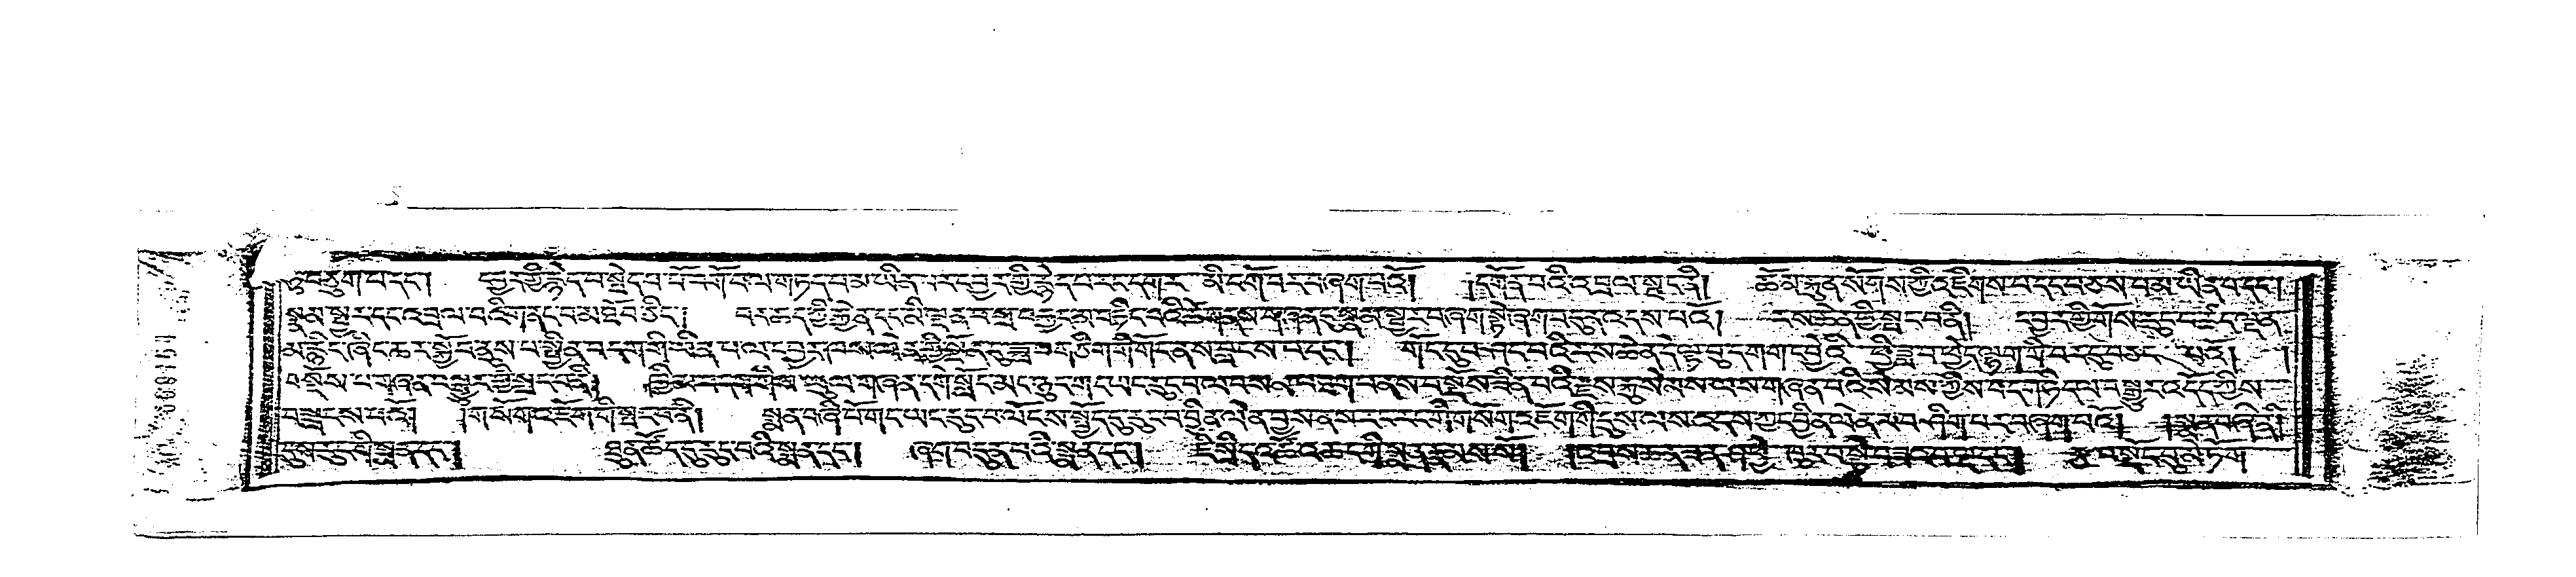ཏུ་བཅུག་པ་དང་། དབྱར་གྱི་རྙེད་པ་སྦེད་པ་པོ་བགོ་བ་ལ་གཏད་པ་མ་ཡིན་པར་དབྱར་གྱི་རྙེད་པ་རང་དགར་མི་དགོ་བར་བཞག་པའོ། །དགོན་པའི་འབྲལ་སྤང་ནི། ཆོམ་རྐུན་སོགས་ཀྱི་འཇིགས་པ་དང་བཅས་པ་མ་ཡིན་པ་དང་།
སྣམ་སྦྱར་དང་འབྲལ་བའི་གནང་བ་མ་ཐོབ་ཅིང་། བར་ཆད་ཀྱི་རྐྱེན་དང་མི་ལྡན་པ་སྲ་བརྐྱང་མ་བཏིང་བའི་ཚེ་གནས་གཞན་དུ་སྣམ་སྦྱར་བཞག་སྟེ་ཞག་བདུན་འདས་པའོ། རས་ཆེན་གྱི་སྤང་བ་ནི། དབྱར་གྱི་གོས་རུང་བ་ཚད་ལྡན་
མ་རྙིང་ཞིང་ཆར་སྐྱོབ་ནུས་པ་སྦྱིན་བདག་གི་ཡིན་པ་ལ་དབྱར་ཁས་ལེན་གྱི་སྔོན་དུ་ཟླ་བ་གཅིག་གི་གོང་ནས་བླངས་པ་དང་། གོང་དུ་བཤད་པའི་རས་ཆེན་དེ་ལྟ་བུ་དགག་དབྱེའི་ཕྱི་ཟླ་བ་ཕྱེད་ལྷག་གི་བར་དུ་བཅང་པའོ། །
བསྡོས་པ་གཞན་བསྒྱུར་གྱི་སྤང་པ་ནི། ཁྱིམ་བདག་གིས་ཡུལ་གཞན་དགེ་སློང་མང་ཉུང་གང་ཡང་རུང་བ་ལ་བསམ་པ་ཐག་པ་ནས་བསྡོས་ཟིན་པའི་རྫས་རྐུ་སེམས་ལས་གཞན་པའི་སེམས་ཀྱིས་བདག་ཉིད་ལ་བསྒྱུར་འདོད་ཀྱིས་
བསླངས་པའོ། །གསོག་འཇོག་གི་སྤང་བ་ནི། སྨན་བཞི་པོ་གང་ཡང་རུང་བ་ལོངས་སྤྱོད་དུ་རུང་བ་བྱིན་ལེན་བྱས་ནས་རང་རང་གི་གསོག་འཇོག་གི་དུས་ལས་འདས་ཀྱང་བྱིན་ལེན་ར་བཤིག་པར་བཞག་པའོ། །སྨན་བཞི་ནི།
དུས་རུང་གི་སྨན་དང་། ཐུན་ཚོད་དུ་རུང་བའི་སྨན་དང་། ཞག་བདུན་པའི་སྨན་དང་། ཇི་སྲིད་འཚོ་འཆང་གི་སྨན་རྣམས་སོ། །འབྲས་ཆན་ཟན་ཤ་ཕྱེ་ཁུར་བ་སྟེ་བཟའ་བ་ལྔ་དང་། རཙ་བ་སྡོང་བུ་མེ་ཏོག་